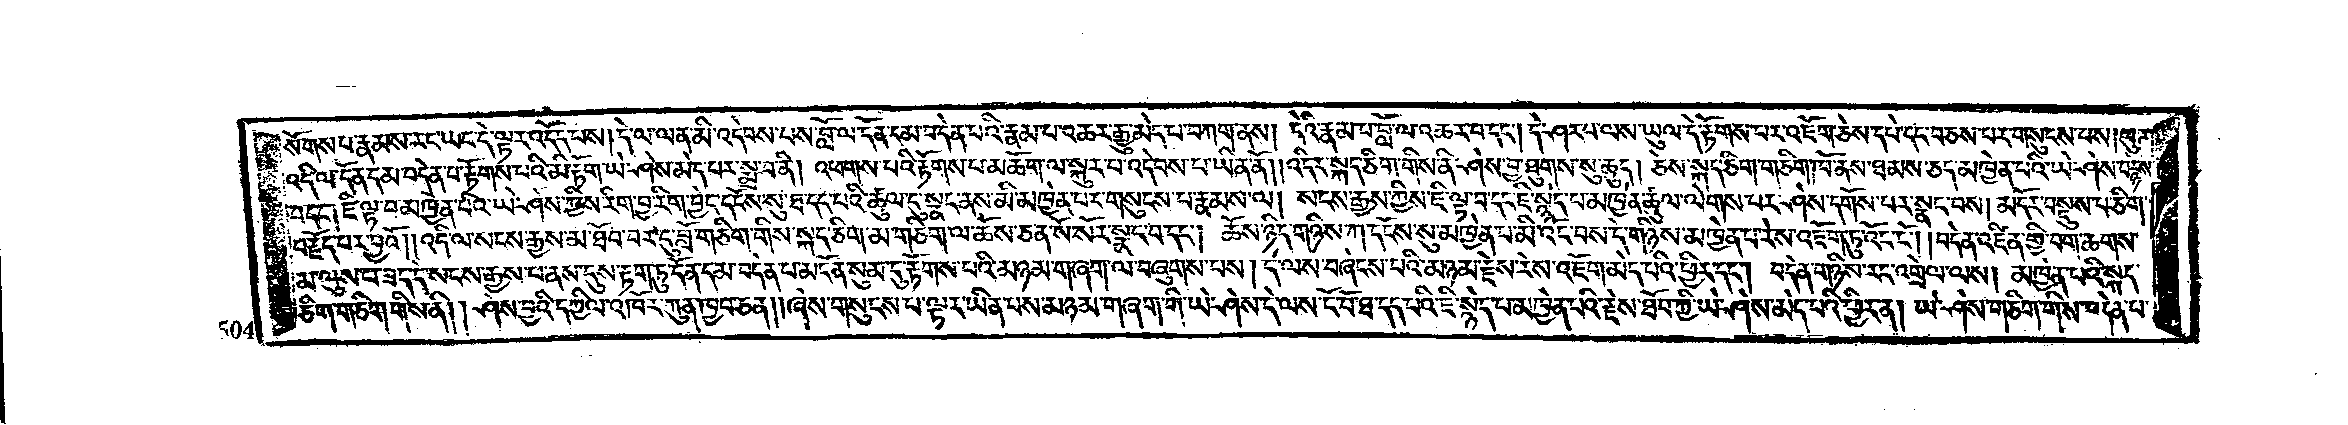སོགས་པ་རྣམས་རང་ཡང་དེ་ལྟར་འདོད་པས། དེ་ལ་ལན་མི་འདེབས་པས་བློ་ལ་དོན་དམ་བདེན་པའི་རྣམ་པ་འཆར་རྒྱུ་མེད་པ་བཀག་ནས། དེའི་རྣམ་པ་བློ་ལ་འཆར་བ་དང་། དེ་ཤར་བ་ལས་ཡུལ་དེ་རྟོགས་པར་འཇོག་ཅེས་དཔེ་དང་བཅས་པར་གསུངས་པས། ལུགས་
འདི་ལ་དོན་དམ་བདེན་པ་རྟོགས་པའི་མི་རྟོག་ཡེ་ཤེས་མེད་པར་སྨྲ་བ་ནི། འཕགས་པའི་རྟོགས་པ་མཆོག་ལ་སྐུར་བ་འདེབས་པ་ཡིན་ནོ། །འདིར་སྐད་ཅིག་གིས་ནི་ཤེས་བྱ་ཐུགས་སུ་ཆུད། ཅེས་སྐད་ཅིག་གཅིག་ཁོ་ནས་ཐམས་ཅད་མཁྱེན་པའི་ཡེ་ཤེས་བརྙེས་
པ་དང་། ཇི་ལྟ་བ་མཁྱེན་པའི་ཡེ་ཤེས་ཀྱིས་རིག་བྱ་རིག་བྱེད་དངོས་སུ་ཐ་དད་པའི་ཚུལ་དུ་སྣང་ནས་མི་མཁྱེན་པར་གསུངས་པ་རྣམས་ལ། སངས་རྒྱས་ཀྱིས་ཇི་ལྟ་བ་དང་ཇི་སྙེད་པ་མཁྱེན་ཚུལ་ལེགས་པར་ཤེས་དགོས་པར་སྣང་བས། མདོར་བསྡུས་པ་ཞིག་
བརྗོད་པར་བྱའོ། །འདི་ལ་སངས་རྒྱས་མ་ཐོབ་པར་དུ་བློ་གཅིག་གིས་སྐད་ཅིག་མ་གཅིག་ལ་ཆོས་ཅན་སོ་སོར་སྣང་བ་དང་། ཆོས་ཉིད་གཉིས་ཀ་དངོས་སུ་མཁྱེན་པ་མི་འོང་བས་དེ་གཉིས་མཁྱེན་པ་རེས་འཇོག་ཏུ་འོང་ངོ། །བདེན་འཛིན་གྱི་བག་ཆགས་
མ་ལུས་པ་ཟད་དེ་སངས་རྒྱས་པ་ནས་དུས་རྟག་ཏུ་དོན་དམ་བདེན་པ་མངོན་སུམ་དུ་རྟོགས་པའི་མཉམ་གཞག་ལ་བཞུགས་པས། དེ་ལས་བཞེངས་པའི་མཉམ་རྗེས་རེས་འཇོག་མེད་པའི་ཕྱིར་དང་། བདེན་གཉིས་རང་འགྲེལ་ལས། མཁྱེན་པའི་སྐད་
ཅིག་གཅིག་གིས་ནི། །ཤེས་བྱའི་དཀྱིལ་འཁོར་ཀུན་ཁྱབ་ཅན། །ཞེས་གསུངས་པ་ལྟར་ཡིན་པས་མཉམ་གཞག་གི་ཡེ་ཤེས་དེ་ལས་ངོ་བོ་ཐ་དད་པའི་ཇི་སྙེད་པ་མཁྱེན་པའི་རྗེས་ཐོབ་ཀྱི་ཡེ་ཤེས་མེད་པའི་ཕྱིར་ན། ཡེ་ཤེས་གཅིག་གིས་བདེན་པ་